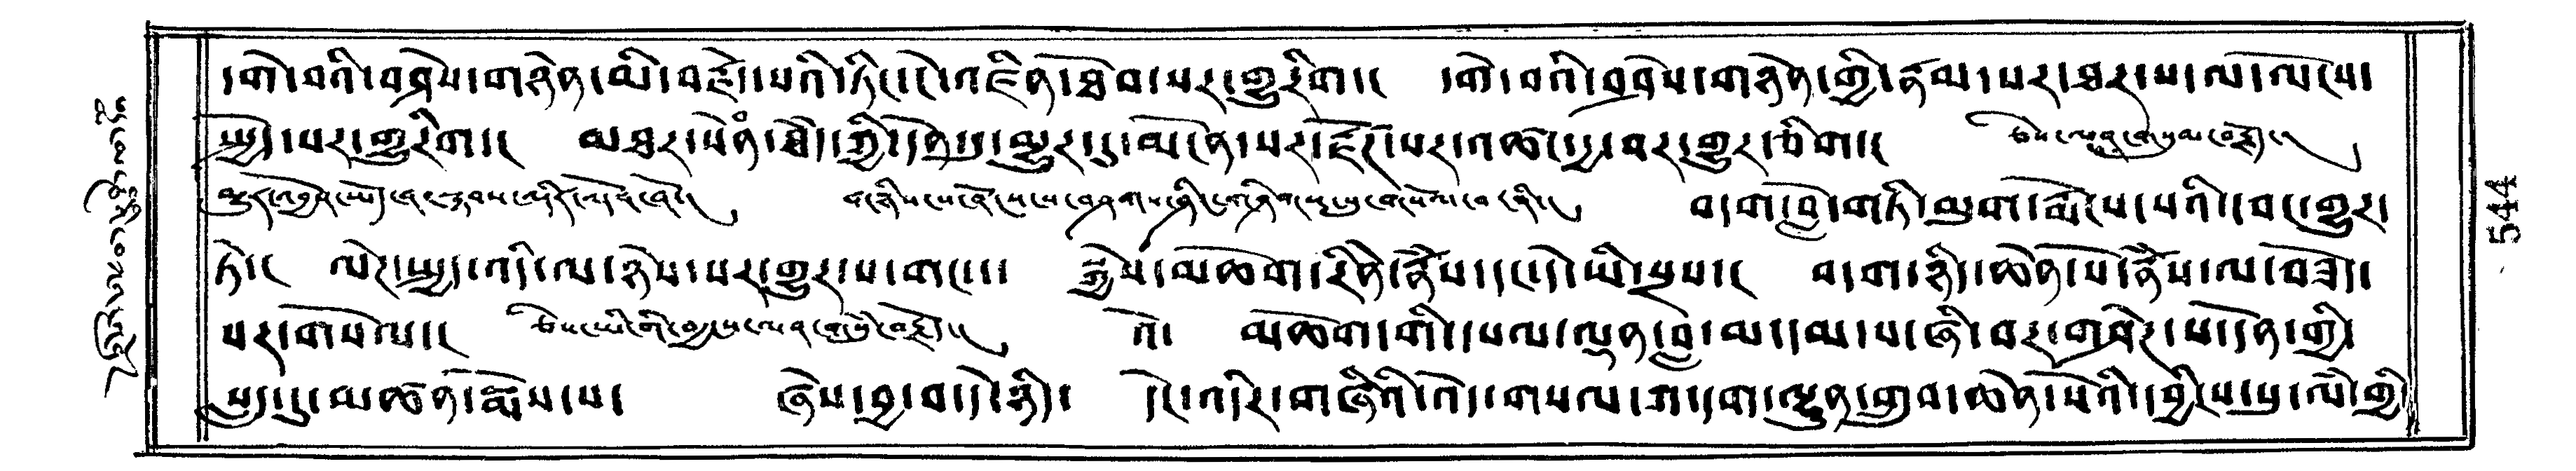དགེ་བའི་བཤེས་གཉེན་མི་བརྗེད་པའི་ཏིང་ངེ་འཛིན་འཐོབ་པར་གྱུར་ཅིག དགེ་བའི་བཤེས་གཉེན་གྱི་རྣམ་པར་ཐར་པ་ལ་ལོངས་
སྤྱོད་པར་གྱུར་ཅིག མཐར་སེམས་ཅན་ཐམས་ཅད་ཀྱི་དོན་དུ་མྱུར་དུ་མངོན་པར་རྫོགས་པར་འཚང་རྒྱ་བར་གྱུར་ཅིག ཅེས་ལན་གསུམ་བརྗོད། 
མྱུར་བྱོན་ཡོད་ན་སྐབས་འདིར་འདོན་ནོ། གཉིས་པ་ནོངས་པ་བཤགས་ཤིང་གཤེགས་སུ་གསོལ་བ་ནི། བདག་བློ་གཏི་མུག་རྨོངས་པའི་དབང་གྱུར་
ཏེ། །ལེགས་སྤྱད་འདི་ལ་ཉེས་པར་གྱུར་པ་གང་། །སྐྱེས་མཆོག་རིན་ཆེན་རྣམས་དང་དེ་ཡི་སྲས། །བདག་ཉིད་ཆེན་པོ་རྣམས་ལ་བཟོད་
པར་གསོལ། ཞེས་ཡི་གེ་བརྒྱ་པ་ལན་གསུམ་བརྗོད། འོ། མཆོག་གི་དཔལ་ལྡན་བླ་མ་དམ་པ་ཞི་བར་གཤེགས་པ་དོན་གྱི་
སླད་དུ་མཚན་སྨོས་པ། ཞེས་བྱ་བ་དེ་ཉིད། དེང་འདིར་གཞིའི་འོད་གསལ་ཀ་དག་ལྷུན་གྲུབ་ཆེན་པོའི་དབྱིངས་སུ་ལམ་གྱི་